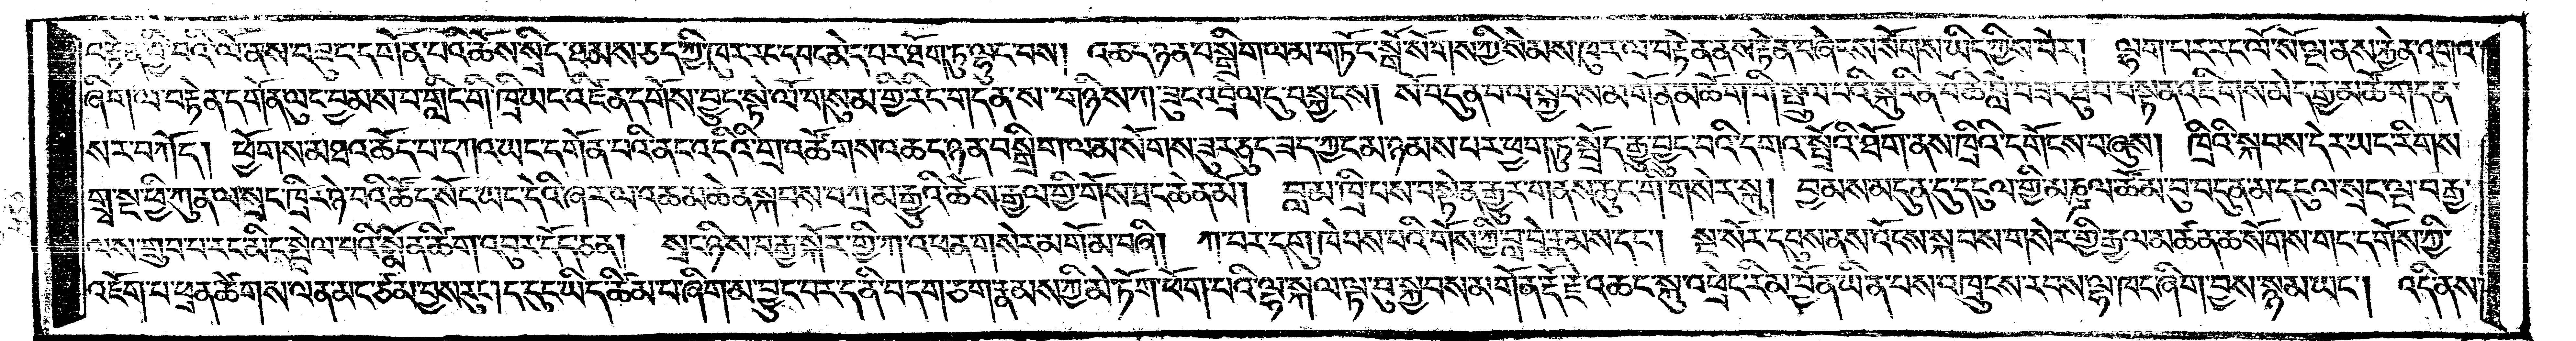བརྟེན་བྱི་བའི་ལོ་ནས་བཟུང་དགོན་པའི་ཆོས་སྲིད་ཐམས་ཅད་ཀྱི་ཁུར་རང་དབང་མེད་པར་ཐོག་ཏུ་ལྷུང་བས། འཆད་ཉན་བསྒྲིག་ལམ་གཏོང་སྒོ་སོགས་ཀྱི་སེམས་ཁུར་ལ་བརྟེན་ནས་རྟེན་བཞེངས་སོགས་ཡིད་ཀྱིས་བོར། ལྷག་པར་རང་ལོ་སོ་ལྔ་ནས་རྐྱེན་འགའ་
ཞིག་ལ་བརྟེན་དགོན་ལུང་བྱམས་པ་གླིང་གི་ཁྲི་ཡང་འཛིན་དགོས་བྱུང་སྟེ་ལོ་གསུམ་གྱི་རིང་གདན་ས་གཉིས་ཀ་ཟུང་འབྲེལ་དུ་བསྐྱངས། སོ་བདུན་པ་ལ་སྐྱབས་མགོན་མཆོག་གི་སྤྲུལ་པའི་སྐུ་རིན་པོ་ཆེ་བློ་བཟང་ཐུབ་བསྟན་འཇིགས་མེད་རྒྱ་མཚོ་གདན་
སར་བཀོད། ཕྱོགས་མཐའ་ཆོད་པ་དཀའ་ཡང་དགོན་པའི་ནང་འདིའི་གྲ་འཚོགས་འཆད་ཉན་བསྒྲིག་ལམ་སོགས་ཟུར་ཅུང་ཟད་ཀྱང་མ་ཉམས་པར་ཕྱག་ཏུ་སྤྲོད་རྒྱུ་བྱུང་བའི་དགའ་སྤྲོའི་ཐོག་ནས་ཁྲིའི་དགོངས་བ་ཞུས། ཁྲིའི་སྐབས་དེར་ཡང་རིགས་
གྲྭ་སྔ་ཕྱི་ཀུན་ལ་སྲང་ཁྲིར་ཉེ་བའི་ཚོད་སོང་ཡང་དེའི་ཞར་ལ་འཆམ་ཆེན་སྐབས་བཀྲམ་རྒྱུའི་ཆོས་རྒྱལ་གྱི་གོས་ཐང་ཆེན་མོ། བླ་མ་ཁྲི་པས་བསྟེན་རྒྱུར་གནས་ཆུང་གི་གསེར་སྐུ། བྱམས་མདུན་དུ་དངུལ་གྱི་མཎྜལ་ཚོམ་བུ་བདུན་མ་དངུལ་སྲང་ལྔ་བརྒྱ་
ལས་གྲུབ་པ་རང་མིང་སྤེལ་བའི་སྨོན་ཚིག་འབུར་དོད་ཅན། སྲང་ཉིས་བརྒྱ་སྐོར་གྱི་ཀ་འཕན་གསེར་མགོ་མ་བཞི། ཀ་བར་དགུ་ཁེབས་པའི་གོས་ཀྱི་བླ་བྲེ་རྣམས་དང་། སྔ་སོར་དབུས་ནས་འོངས་སྐབས་གསེར་གྱི་རྒྱལ་མཚན་ཆ་སོགས་གང་དགོས་ཀྱི་
འཇོག་པ་ཕྲན་ཚོགས་ལན་མང་ཙམ་བྱས་རུང་། ད་དུང་ཡིད་ཚིམ་བ་ཞིག་མ་བྱུང་བར་ད་ནི་བདག་ཅག་རྣམས་ཀྱི་མེ་ཏོག་ཕོག་པའི་ལྷ་སྐལ་ལྟ་བུ་སྐྱབས་མགོན་རྡོ་རྗེ་འཆང་སྐུ་འཕྲེང་རིམ་བྱོན་ཡིན་པས་འཁྲུངས་རབས་ལྷ་ཁང་ཞིག་བྱས་སྙམ་ཡང་། འདི་ནས་